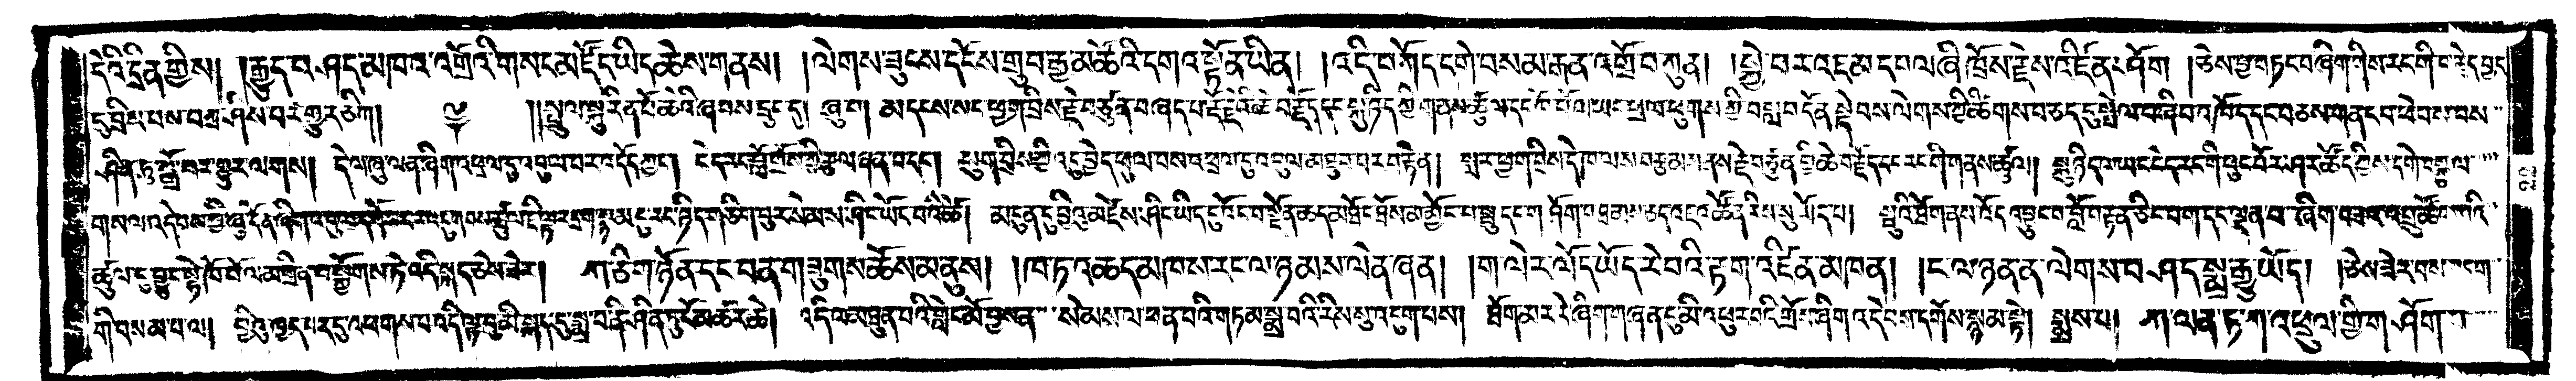དེའི་དྲིན་གྱིས། །རྒྱུད་བཤད་མཁའ་འགྲོའི་གསང་མཛོད་ཡིད་ཆེས་གནས། །ལེགས་ཟུངས་དངོས་གྲུབ་རྒྱ་མཚོའི་དགའ་སྟོན་ཡིན། །འདི་བཀོད་དགེ་བསམ་རྒན་འགྲོ་བཀུན། །སྐྱེ་བར་འཇམ་དཔལ་ཞི་ཁྲོས་རྗེས་འཛིན་ཤོག། །ཅེས་བྱ་བཏང་བཞིག་གིས་རང་གི་ང་རེད?་བྱང་
དུ་བྲིད་བས་བཀྲ་ཤིས་བར་གྱུར་ཅིག། ༈ །།སྤྲུལ་སྐུ་རིན་པོ་ཆེའི་ཞབས་དྲུང་དུ། ཞུ་བ། མདངས་སང་ཕྱག་བྲིས་རྗེ་བཙུན་བཞད་པ་རྡོ་རྗེའི་ཆེ་བརྗོད་དང་སྐུ་ཉིད་ཀྱི་གནས་ཚུལ་དང་ཀོ་པོལ་ཡང་ཕྲལ་ཕུགས་ཀྱི་བསླབ་དོན་སྡེབས་ལེགས་ཀྱི་ཚིགས་བཅད་དུ་སྤེལ་བཞིབ་འཁོད་དང་བཅས་གནང་བ་ཕེབས་བས་
ཤིན་ཏུ་སྒྲོ་བར་གྱུར་ལགས། དེ་ལ་ཞུ་ལན་ཞིག་འཕྲལ་དུ་འབུལ་བར་འདོད་ཀྱང་། ངེད་རང་བློ་གྲོས་ཀྱི་རྩལ་ཞན་བ་དང་། ཕུག་བྲིས་ཀྱི་འདུ་བྱེད་ཕུལ་བས་འཕྲལ་དུ་འདུལ་མཐུབ་པར་བརྟེན། སླར་ཕྱག་བྲིས་དེ་ཁ་ལས་བརྩམས་ནས་རྗེ་བཙུན་གྱི་ཆེ་བརྗོད་དང་རང་གི་གནས་ཚུལ། སྐུ་ཉིད་གཡང་ངེད་རང་གི་ཕུང་བོར་ཤར་ཚོ་དབྱིས་དགེ་བསྐུལ་
གསལ་འདེབ་མ་ཀྱི་ཞུ་དོན་ཞིག་འགུ་ལ་དགོ་ཡར་རབ་དུགས་མཚུལ་ཇི་ལྟ་འདྲག་སྙམ་དུ་རང་ཉིད་གཅིག་བུར་སེམས་ཤིང་ཡོང་བའི་ཚེ། མདུན་དུ་བྱིའུ་མཛེས་ཤིང་ཡིད་དུའོང་བསྔོན་ཆད་མཐོང་ཐོས་མ་མྱོང་བ་སྦུ་དང་གཤོག་བ་ཐམས་ཅད་འཇའ་ཚོན་རིབ་སུ་ཡོད་པ། ཝུའི་ཐོ་གནས་འོད་འབྱུང་བ་བློ་བརྟན་ཅིང་བག་དང་ལྡན་པ་ཞིག་བཟའ་འབྲུ་ཚོ་ཀའི?
ཚུལ་དུ་བྱུང་སྟེ་ཁོ་བོལ་མགྲིན་བསྐྱོགས་ཏེ་འདི་སྐད་ཅེས་ཟེར། ཀ་ཅིག་ཉོན་དང་བན་གཟུགས་ཆོས་མ་ནུས། །ཁ་ཏ་འཆད་མཁས་རང་ལ་ཉམས་ལེན་ཞན། །ག་ལེར་ལོད་ཡོད་རེ་བའི་རྟག་འཛིན་མཁན། །ང་ལ་ཉན་ན་ལེགས་བཤད་སྨྲ་རྒྱུ་ཡོད། །ཅེས་ཟེར་བས་ངག་
གི་བསམ་བ་ལ། བྱིའུ་ཁྱད་པར་དུ་འཕགས་པ་འདི་ལྟ་བུ་མི་སྐད་དུ་སྨྲ་བ་ནི་ཤིན་དུ་ངོ་མཚར་ཆེ། འདི་ལ་མཐུན་པའི་གླེང་མོ་བྱས་ན་སེམས་ལ་ཕན་བའི་གཏམ་སྨྲ་བའི་རིས་སུ་འདུག་པས། ཐོག་མར་རེ་ཞིག་གཞན་དུ་མི་འཕུར་འདི་གྲོས་ཞིག་འདེངས་དགོས་སྙམ་སྟེ། སྨྲས་པ། ཀ་ལན་ཏ་ཀ་འཕྲུལ་གྱི་གཤོག་